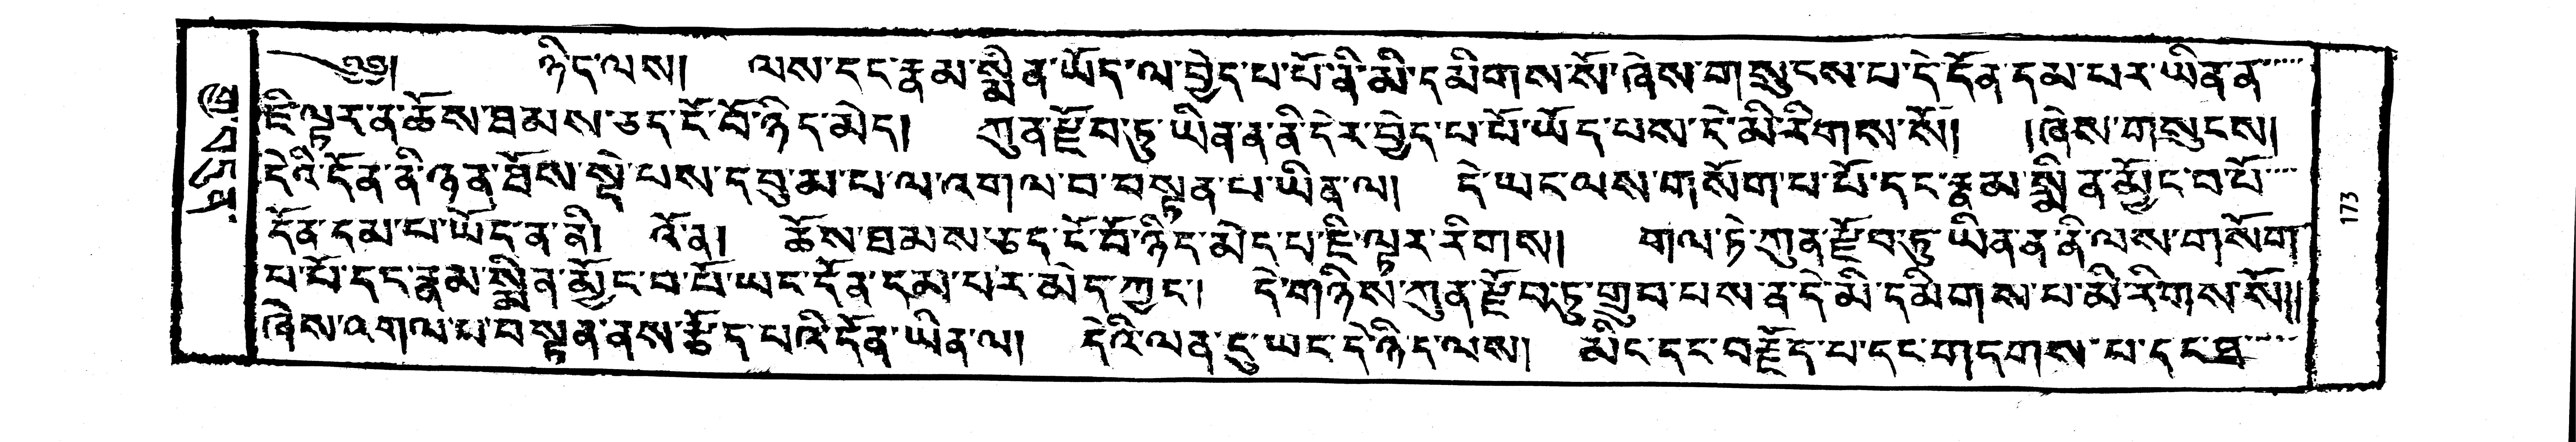༄༅། །ཉིད་ལས། ལས་དང་རྣམ་སྨིན་ཡོད་ལ་བྱེད་པ་པོ་ནི་མི་དམིགས་སོ་ཞེས་གསུངས་པ་དེ་དོན་དམ་པར་ཡིན་ན་
ཇི་ལྟར་ན་ཆོས་ཐམས་ཅད་ངོ་བོ་ཉིད་མེད། ཀུན་རྫོབ་ཏུ་ཡིན་ན་ནི་དེར་བྱེད་པ་པོ་ཡོད་པས་དེ་མི་རིགས་སོ། །ཞེས་གསུངས།
དེའི་དོན་ནི་ཉན་ཐོས་སྡེ་པས་དབུ་མ་པ་ལ་འགལ་བ་བསྟན་པ་ཡིན་ལ། དེ་ཡང་ལས་གསོག་པ་པོ་དང་རྣམ་སྨིན་མྱོང་བ་པོ་
དོན་དམ་པ་ཡོད་ན་ནི། འོ་ན། ཆོས་ཐམས་ཅད་ངོ་བོ་ཉིད་མེད་པ་ཇི་ལྟར་རིགས། གལ་ཏེ་ཀུན་རྫོབ་ཏུ་ཡིན་ན་ནི་ལས་གསོག་
པ་པོ་དང་རྣམ་སྨིན་མྱོང་བ་པོ་ཡང་དོན་དམ་པར་མེད་ཀྱང་། དེ་གཉིས་ཀུན་རྫོབ་ཏུ་གྲུབ་པས་ན་དེ་མི་དམིགས་པ་མི་རིགས་སོ། །
ཞེས་འགལ་པ་བསྟན་ནས་རྩོད་པའི་དོན་ཡིན་ལ། དེའི་ལན་དུ་ཡང་དེ་ཉིད་ལས། མིང་དང་བརྗོད་པ་དང་གདགས་པ་དང་ཐ་